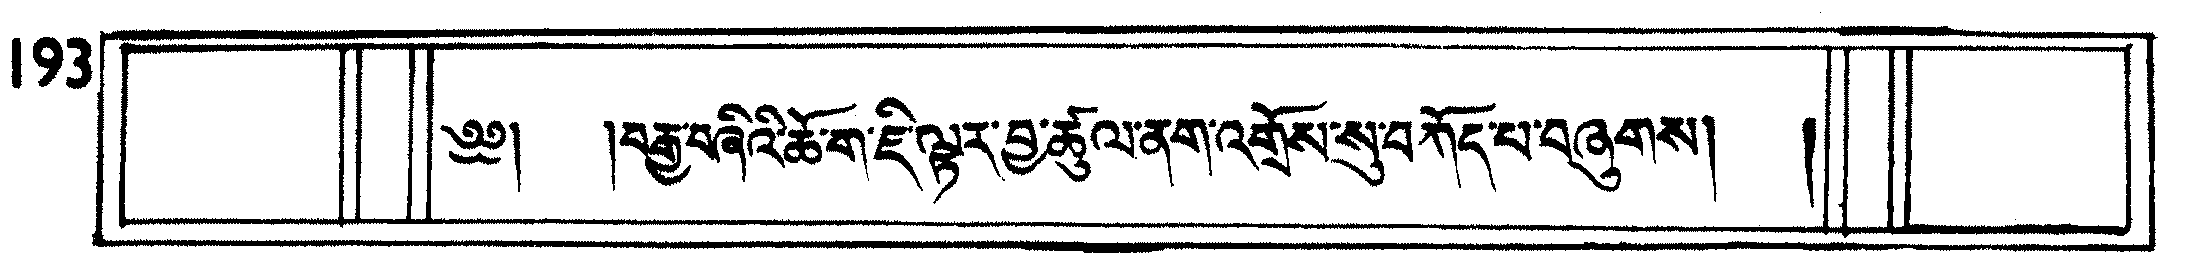༄༅། །བརྒྱ་བཞིའི་ཆོ་ག་ཇི་ལྟར་བྱ་ཚུལ་ནག་འགྲོས་སུ་བཀོད་པ་བཞུགས། །